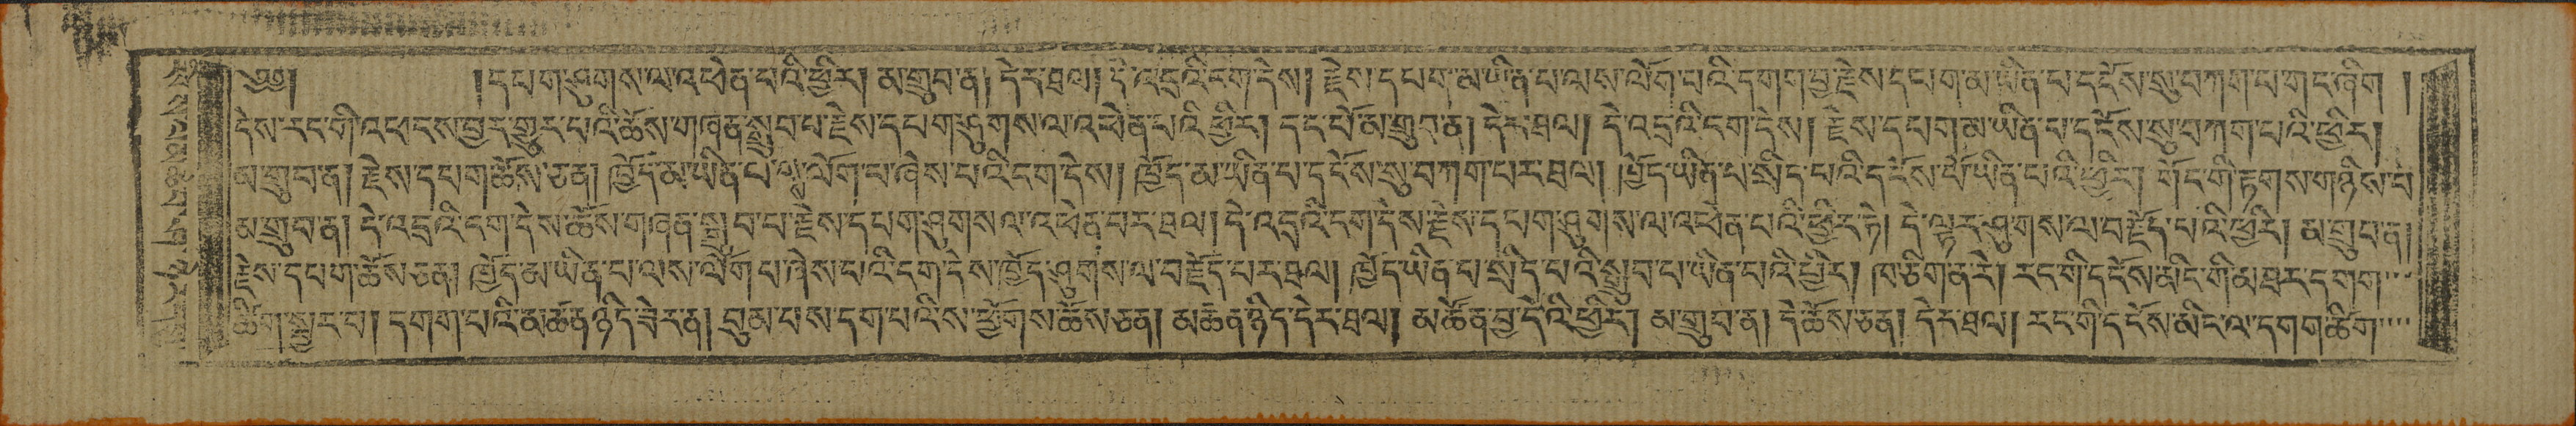༄༅། །དཔག་ཤུགས་ལ་འཕེན་པའི་ཕྱིར། མ་གྲུབ་ན། དེར་ཐལ། དེ་འདྲའི་ངག་དེས། རྗེས་དཔག་མ་ཡིན་པ་ལས་ལོག་པའི་དགག་བྱ་རྗེས་དཔག་མ་ཡིན་པ་དངོས་སུ་བཀག་པ་གང་ཞིག །
དེས་རང་གི་འཕངས་བྱར་གྱུར་པའི་ཆོས་གཞན་སྒྲུབ་པ་རྗེས་དཔག་ཤུགས་ལ་འཕེན་པའི་ཕྱིར། དང་པོ་མ་གྲུབ་ན། དེར་ཐལ། དེ་འདྲའི་ངག་དེས། རྗེས་དཔག་མ་ཡིན་པ་དངོས་སུ་བཀག་པའི་ཕྱིར།
མ་གྲུབ་ན། རྗེས་དཔག་ཆོས་ཅན། ཁྱོད་མ་ཡིན་པ་ལས་ལོག་པ་ཞེས་པའི་ངག་དེས། ཁྱོད་མ་ཡིན་པ་དངོས་སུ་བཀག་པར་ཐལ། ཁྱོད་ཡིན་པ་སྲིད་པའི་དངོས་པོ་ཡིན་པའི་ཕྱིར། གོང་གི་རྟགས་གཉིས་པ་
མ་གྲུབ་ན། དེ་འདྲའི་ངག་དེས་ཆོས་གཞན་སྒྲུབ་པ་རྗེས་དཔག་ཤུགས་ལ་འཕེན་པར་ཐལ། དེ་འདྲའི་ངག་དེས་རྗེས་དཔག་ཤུགས་ལ་འཕེན་པའི་ཕྱིར་ཏེ། དེ་ལྟར་ཤུགས་ལ་བརྗོད་པའི་ཕྱིར། མ་གྲུབ་ན།
རྗེས་དཔག་ཆོས་ཅན། ཁྱོད་མ་ཡིན་པ་ལས་ལོག་པ་ཞེས་པའི་ངག་དེས་ཁྱོད་ཤུགས་ལ་བརྗོད་པར་ཐལ། ཁྱོད་ཡིན་པ་སྲིད་པའི་སྒྲུབ་པ་ཡིན་པའི་ཕྱིར། ཁ་ཅིག་ན་རེ། རང་གི་དངོས་མིང་གི་མཐར་དགག་
ཚིག་སྦྱར་བ། དགག་པའི་མཚན་ཉིད་ཟེར་ན། བུམ་པས་དག་པའི་ས་ཕྱོགས་ཆོས་ཅན། མཚན་ཉིད་དེར་ཐལ། མཚོན་བྱ་དེའི་ཕྱིར། མ་གྲུབ་ན། དེ་ཆོས་ཅན། དེར་ཐལ། རང་གི་དངོས་མིང་ལ་དགག་ཚིག་